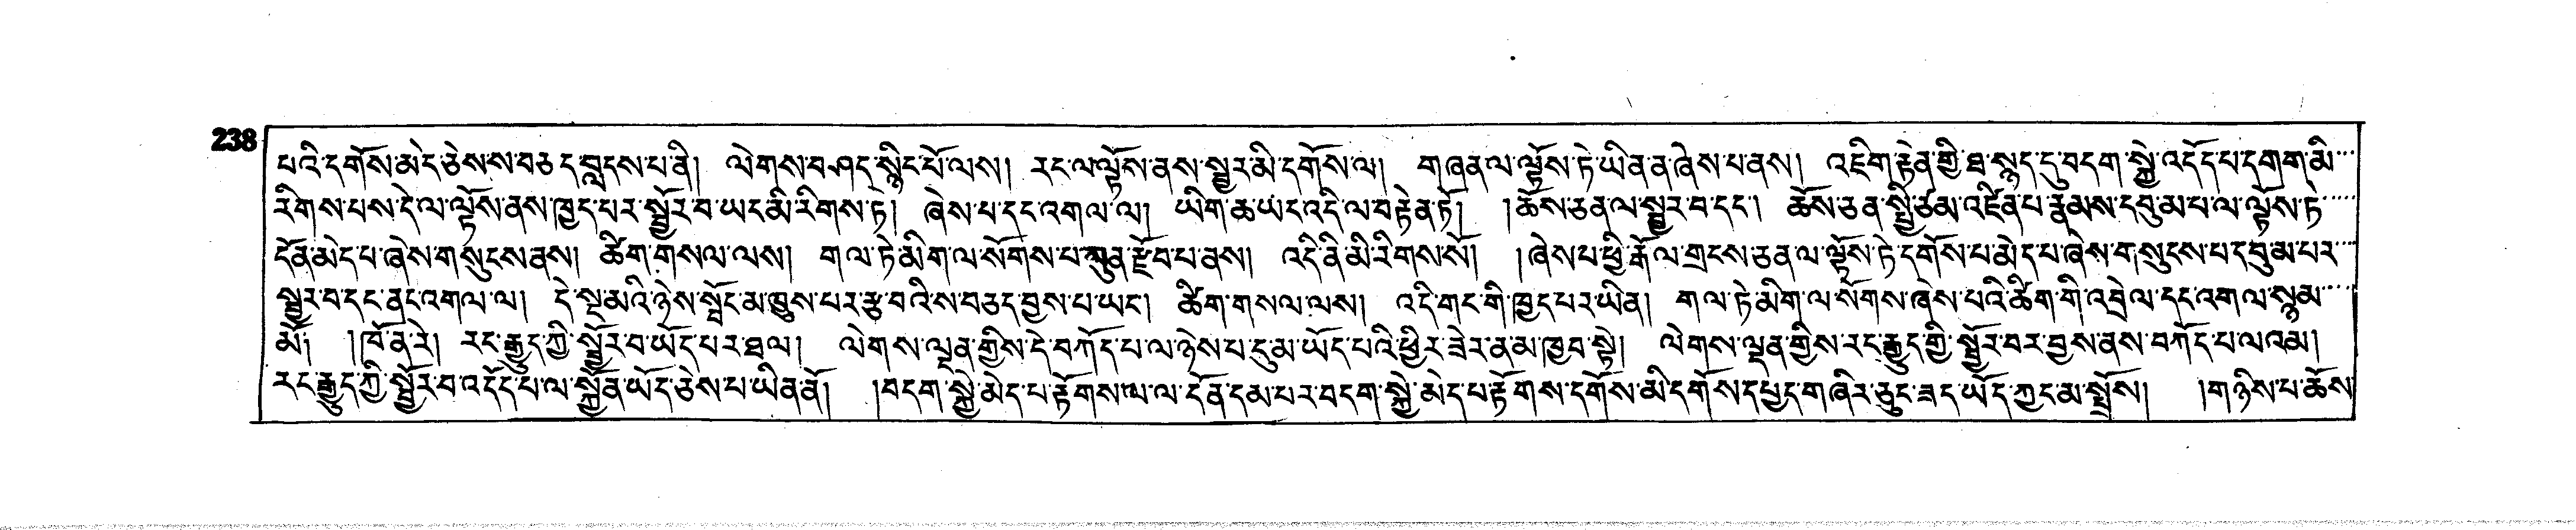པའི་དགོས་མེད་ཅེས་ས་བཅད་བླངས་པ་ནི། ལེགས་བཤད་སྙིང་པོ་ལས། རང་ལ་ལྟོས་ནས་སྦྱར་མི་དགོས་ལ། གཞན་ལ་ལྟོས་ཏེ་ཡིན་ན་ཞེས་པ་ནས། འཇིག་རྟེན་གྱི་ཐ་སྙད་དུ་བདག་སྐྱེ་འདོད་པ་དགག་མི་
རིགས་པས་དེ་ལ་ལྟོས་ནས་ཁྱད་པར་སྦྱོར་བ་ཡང་མི་རིགས་ཏེ། ཞེས་པ་དང་འགལ་ལ། ཡིག་ཆ་ཡང་འདི་ལ་བརྟེན་ཏོ། །ཆོས་ཅན་ལ་སྦྱར་བ་དང་། ཆོས་ཅན་སྤྱི་ཙམ་འཛིན་པ་རྣམས་དབུ་མ་པ་ལ་ལྟོས་ཏེ་
དོན་མེད་པ་ཞེས་གསུངས་ནས། ཚིག་གསལ་ལས། གལ་ཏེ་མིག་ལ་སོགས་པ་ཀུན་རྫོབ་པ་ནས། འདི་ནི་མི་རིགས་སོ། །ཞེས་པ་ཕྱི་རྒོལ་གྲངས་ཅན་ལ་ལྟོས་ཏེ་དགོས་པ་མེད་པ་ཞེས་གསུངས་པ་དབུ་མ་པར་
སྦྱར་བ་དང་ནང་འགལ་ལ། དེ་སྔ་མའི་ཉེས་སྤོང་མ་ཁྱུས་པར་རྩ་བའི་ས་བཅད་བྱས་པ་ཡང་། ཚིག་གསལ་ལས། འདི་གང་གི་ཁྱད་པར་ཡིན། གལ་ཏེ་མིག་ལ་སོགས་ཞེས་པའི་ཚིག་གི་འབྲེལ་དང་འགལ་སྙམ་
མོ། །ཁོ་ན་རེ། རང་རྒྱུད་ཀྱི་སྦྱོར་བ་ཡོད་པར་ཐལ། ལེགས་ལྡན་གྱིས་དེ་བཀོད་པ་ལ་ཉེས་པ་དུ་མ་ཡོད་པའི་ཕྱིར་ཟེར་ན་མ་ཁྱབ་སྟེ། ལེགས་ལྡན་གྱིས་རང་རྒྱུད་ཀྱི་སྦྱོར་བར་བྱས་ནས་བཀོད་པ་ལའམ།
རང་རྒྱུད་ཀྱི་སྦྱོར་བ་འདོད་པ་ལ་སྐྱོན་ཡོད་ཅེས་པ་ཡིན་ནོ། །བདག་སྐྱེ་མེད་པ་རྟོགས་པ་ལ་དོན་དམ་པར་བདག་སྐྱེ་མེད་པ་རྟོགས་དགོས་མི་དགོས་དཔྱད་གཞིར་ཅུང་ཟད་ཡོད་ཀྱང་མ་སྤྲོས། ༈ །གཉིས་པ་ཆོས་